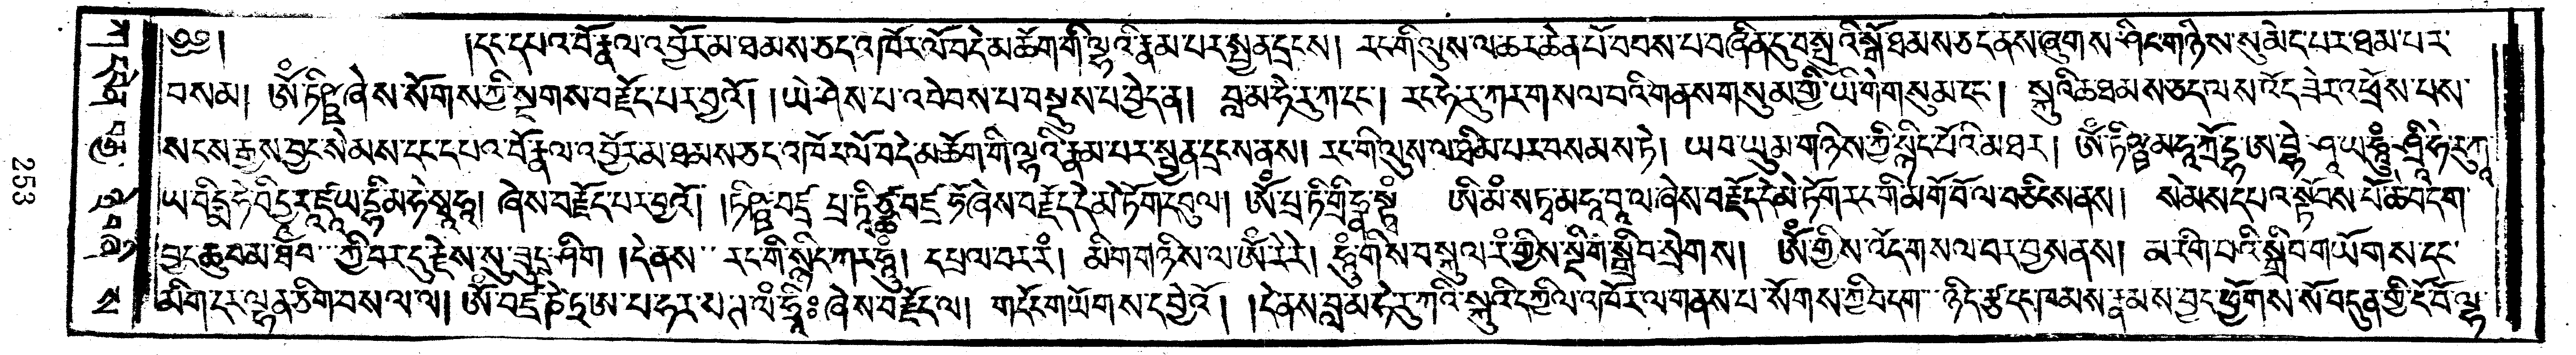༄༅། །དང་དཔའ་བོ་རྣལ་འབྱོར་མ་ཐམས་ཅད་འཁོར་ལོ་བདེ་མཆོག་གི་ལྷའི་རྣམ་པར་སྤྱན་དྲངས། རང་གི་ལུས་ལ་ཆར་ཆེན་པོ་བབས་པ་བཞིན་དུ་བ་སྤུའི་སྒོ་ཐམས་ཅད་ནས་ཞུགས་ཤིང་གཉིས་སུ་མེད་པར་ཐམ་པར་
བསམ། ཨོཾ་ཏིཥཊཿཨི་ཞེས་སོགས་ཀྱི་སྔགས་བརྗོད་པར་བྱའོ། །ཡེ་ཤེས་པ་འབེབས་པ་བསྡུས་པ་བྱེད་ན། བླ་མ་ཧེ་རུ་ཀ་དང་། རང་ཧེ་རུ་ཀར་གསལ་བའི་གནས་གསུམ་གྱི་ཡི་གེ་གསུམ་དང་། སྐུའི་ཆ་ཐམས་ཅད་ལས་འོད་ཟེར་འཕྲོས་པས་
སངས་རྒྱས་བྱང་སེམས་དང་དཔའ་བོ་རྣལ་འབྱོར་མ་ཐམས་ཅད་འཁོར་ལོ་བདེ་མཆོག་གི་ལྷའི་རྣམ་པར་སྤྱན་དྲངས་ནས། རང་གི་ལུས་ལ་ཐིམ་པར་བསམས་ཏེ། ཡབ་ཡུམ་གཉིས་ཀྱི་སྙིང་པོའི་མཐར། ཨོཾ་ཏིཥཊཿཨ་མཧཱ་ཀྲོ་དྷ་ཨ་བྷེ་ཤཱ་ཡ་ཧཱུཾ་ཤྲཱི་ཧེ་རུ་ཀཱ་
ཡ་བིདམ་ཧེ་བིདྱཱ་རཱ་ཛཱ་ཡ་དྷི་མ་ཧེ་སྭཱ་ཧཱ། ཞེས་བརྗོད་པར་བྱའོ། །ཏིཥཊཿཨ་བཛྲ་པྲ་ཏཱིཙྪ་བཛྲ་ཧོ་ཞེས་བརྗོད་དེ་མེ་ཏོག་དབུལ། ཨོཾ་པྲ་ཏི་གྲིཧྣ་སྟྭཾ་ཨི་མཾ་སཏྭ་མཧཱ་བཱ་ལ་ཞེས་བརྗོད་དེ་མེ་ཏོག་རང་གི་མགོ་བོ་ལ་བཅིངས་ནས། སེམས་དཔའ་སྟོབས་པོ་ཆེ་བདག་
བྱང་ཆུབ་མ་ཐོབ་ཀྱི་བར་དུ་རྗེས་སུ་ཟུངས་ཤིག །དེ་ནས་རང་གི་སྙིང་གར་ཧཱུཾ། དཔྲལ་བར་རཾ། མིག་གཉིས་ལ་ཨོཾ་རེ་རེ། ཧཱུཾ་གིས་བསྐུལ་རཾ་གྱིས་སྡིག་སྒྲིབ་སྲེགས། ཨོཾ་གྱིས་འོད་གསལ་བར་བྱས་ནས། མ་རིག་པའི་སྒྲིབ་གཡོགས་དང་
མིག་དར་ལྷན་ཅིག་བསལ་ལ། ཨོཾ་བཛྲ་ཎེ་ཏྲ་ཨ་པ་ཧ་ར་པ་ཊ་ལཾ་ཧྲཱིཿ ཞེས་བརྗོད་ལ། གདོང་གཡོགས་དབྱེའོ། །དེ་ནས་བླ་མ་ཧེ་རུ་ཀའི་སྐུའི་དཀྱིལ་འཁོར་ལ་གནས་པ་སོགས་ཀྱི་བདག་ཉིད་རྩ་དང་ཁམས་རྣམས་བྱང་ཕྱོགས་སོ་བདུན་གྱི་ངོ་བོ་ལྷ་